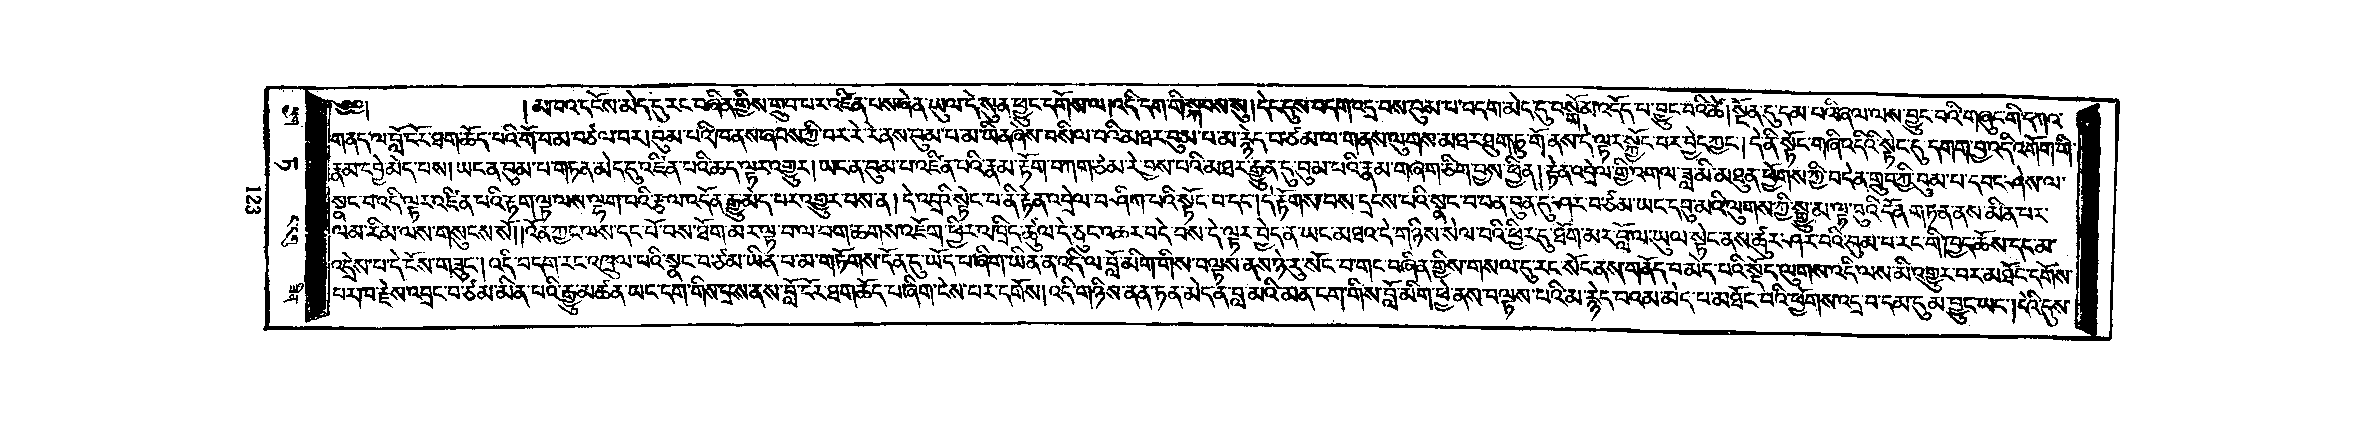༄༅། །མཁའ་དངོས་མེད་དུ་རང་བཞིན་གྱིས་གྲུབ་པར་འཛིན་པས་ཞེན་ཡུལ་དེ་སུན་ཕྱུང་དགོས་ལ། འདི་དག་གི་སྐབས་སུ། དེང་དུས་བདག་འདྲ་བས་བུམ་པ་བདག་མེད་དུ་བསྒོམ་འདོད་པ་བྱུང་བའི་ཚེ། སྔོན་དུ་དམ་པའི་ཞལ་ལས་བྱུང་བའི་གཞུང་གི་དཀའ་
གནད་ལ་བློ་ངོར་ཐག་ཆོད་པའི་གོ་བ་མ་བཙལ་བར། བུམ་པའི་ཁ་ནས་ཞབས་ཀྱི་བར་རེ་རེ་ནས་བུམ་པ་མ་ཡིན་ཞེས་བསིལ་བའི་མཐར་བུམ་པ་མ་རྙེད་པ་ཙམ་ལ་གནས་ལུགས་མཐར་ཐུག་ཏུ་གོ་ནས་དེ་ལྟར་སྐྱོང་བར་བྱེད་ཀྱང་། དེ་ནི་སྟོང་གཞི་འདིའི་སྟེང་དུ་དགག་བྱ་འདི་འགོག་གི་
རྣམ་དབྱེ་མེད་པས། ཡང་ན་བུམ་པ་གཏན་མེད་དུ་འཛིན་པའི་ཆད་ལྟར་འགྱུར། ཡང་ན་བུམ་པ་འཛིན་པའི་རྣམ་རྟོག་བཀག་ཙམ་རེ་བྱས་པའི་མཐར་རྒྱུན་དུ་བུམ་པའི་རྣམ་གཞག་ཅིག་བྱས་ཕྱིན། རྟེན་འབྲེལ་གྱི་འགལ་ཟླ་མི་མཐུན་ཕྱོགས་ཀྱི་བདེན་གྲུབ་ཀྱི་བུམ་པ་དབང་ཤེས་ལ་
སྣང་བ་འདི་ལྟར་འཛིན་པའི་རྟག་ལྟ་ལས་ལྷག་པའི་རྩལ་འདོན་རྒྱུ་མེད་པར་འགྱུར་བས་ན། དེ་འདྲའི་སྟེང་པ་ནི་རྟེན་འབྲེལ་བཤིཀ་པའི་སྟོང་པ་དང་། དེ་རྟོགས་པས་དྲངས་པའི་སྣང་བ་བན་བུན་དུ་ཤར་བ་ཙམ་ཡང་དབུ་མའི་ལུགས་ཀྱི་སྒྱུ་མ་ལྟ་བུའི་དོན་གཏན་ནས་མིན་པར་
ལམ་རིམ་ལས་གསུངས་སོ། །འོན་ཀྱང་ལས་དང་པོ་བས་ཐོག་མར་ལྟ་བ་ལ་བག་ཆགས་འཇོག་ཕྱིར་འཁྲིད་ཚུལ་དེ་ཅུང་འཆར་བདེ་བས་དེ་ལྟར་བྱེད་ན་ཡང་མཐའ་དེ་གཉིས་སེལ་བའི་ཕྱིར་དུ་ཐོག་མར་བློ་ལ་ཡུལ་སྟེང་ནས་ཚུར་ཤར་བའི་བུམ་པ་རང་གི་ཁྱད་ཆོས་དང་མ་
འདྲེས་པ་དེ་ངོས་གཟུང་། འདི་བདག་རང་འཁྲུལ་པའི་སྣང་བ་ཙམ་ཡིན་པ་མ་གཏོགས་དོན་དུ་ཡོད་པ་ཞིག་ཡིན་ན་འདི་ལ་བློ་མིག་གིས་བལྟས་ནས་ཉེ་རུ་སོང་བ་གང་བཞིན་གྱིས་གསལ་དུ་རང་སོང་ནས་གནོད་པ་མེད་པའི་སྡོད་ལུགས་འདི་ལས་མི་འགྱུར་བར་མཐོང་དགོས་
པར་ཁ་རྗེས་འབྲང་བ་ཙམ་མིན་པའི་རྒྱུ་མཚན་ཡང་དག་གིས་དྲངས་ནས་བློ་ངོར་ཐག་ཆོད་པ་ཞིག་ངེས་པར་དགོས། འདི་གཉིས་ནན་ཏན་མེད་ན་བླ་མའི་མན་ངག་གིས་བློ་མིག་ཕྱེ་ནས་བལྟས་པའི་མ་རྙེད་པའམ་མེད་པ་མཐོང་བའི་ཕྱོགས་འདྲ་བ་དམ་དུ་མ་བྱུང་ཡང་། དེའི་དུས་